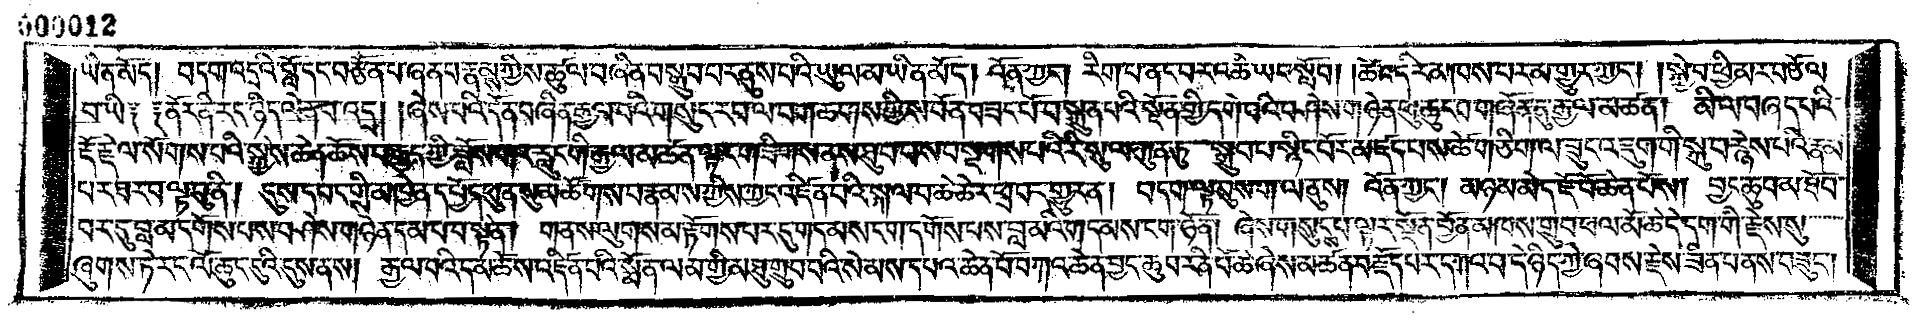ཡིན་མོད། བདག་འདྲའི་བློ་དང་བརྩོན་པ་ཞན་པ་རྣམས་ཀྱིས་ཚུལ་བཞིན་བསྒྲུབ་པར་ནུས་པའི་ཡུལ་མ་ཡིན་མོད། འོན་ཀྱང་། རིག་པ་ནང་བར་འཆི་ཡང་སློབ། །ཚེ་འདིར་མཁས་པར་མ་གྱུར་ཀྱང་། །སྐྱེ་བ་ཕྱི་མར་བཅོལ་
བ་ཡི༑ ༑ནོར་ནི་རང་ཉིད་ལེན་པ་འདྲ། །ཞེས་པའི་དོན་བཞིན་རྒྱལ་བའི་གསུང་རབ་ལ་བག་ཆགས་ཀྱི་ས་བོན་བཟང་པོ་བསྐྲུན་པའི་སྔོན་གྱི་དགེ་བའི་བཤེས་གཉེན་ཕུ་ཆུང་བ་གཞོན་དུ་རྒྱལ་མཚན། མི་ལ་བཞད་པའི་
རྡོ་རྗེ་ལ་སོགས་པའི་སྐྱེས་ཆེན་ཆོས་བརྒྱད་ཀྱི་ཟློས་གར་རླུང་གི་རྒྱལ་མཚན་ལྟར་གཟིགས་ནས་ཐུབ་པས་བསྔགས་པའི་རི་སུལ་ཀུན་ཏུ་སྒྲུབ་པ་སྙིང་བོར་མཛད་པས་ཚེ་གཅིག་ལ་ཟུང་འཇུག་གི་སྐུ་བརྙེས་པའི་རྣམ་
པར་ཐར་བ་ལྟ་བུ་ནི། དུས་དབང་གིས་མཁྱེན་དཔྱོད་ཕུན་སུམ་ཚོགས་པ་རྣམས་ཀྱིས་ཀྱང་འཛིན་པའི་སྐལ་བ་ཆེ་ཆེར་ཕྲ་བར་གྱུར་ན། བདག་ལྟ་བུས་ག་ལ་ནུས། འོན་ཀྱང་། མཉམ་མེད་ཇོ་བོ་ཆེན་པོས། བྱང་ཆུབ་མ་ཐོབ་
བར་དུ་བླ་མ་དགོས་པས་བཤེས་གཉེན་དམ་པ་བསྟེན། གནས་ལུགས་མ་རྟོགས་པར་དུ་གདམས་ངག་དགོས་པས་བླ་མའི་གདམས་ངག་ཉོན། ཞེས་གསུངས་པ་ལྟར་སྔོན་བྱོན་མཁས་གྲུབ་ཕལ་མོ་ཆེ་དེ་དག་གི་རྗེས་སུ་
ཞུགས་ཏེ་རང་ལོ་ཆུང་ངུའི་དུས་ནས། རྒྱལ་བའི་དམ་ཆོས་འཛིན་པའི་སྨོན་ལམ་གྱི་མཐུ་གྲུབ་པའི་སེམས་དཔའ་ཆེན་པོ་བཀའ་ཆེན་བྱང་ཆུབ་རིན་པོ་ཆེ་ཞེས་མཚན་བརྗོད་པར་དཀའ་བ་དེ་ཉིད་ཀྱི་ཞབས་རྗེས་ཟིན་པ་ནས་བཟུང་།